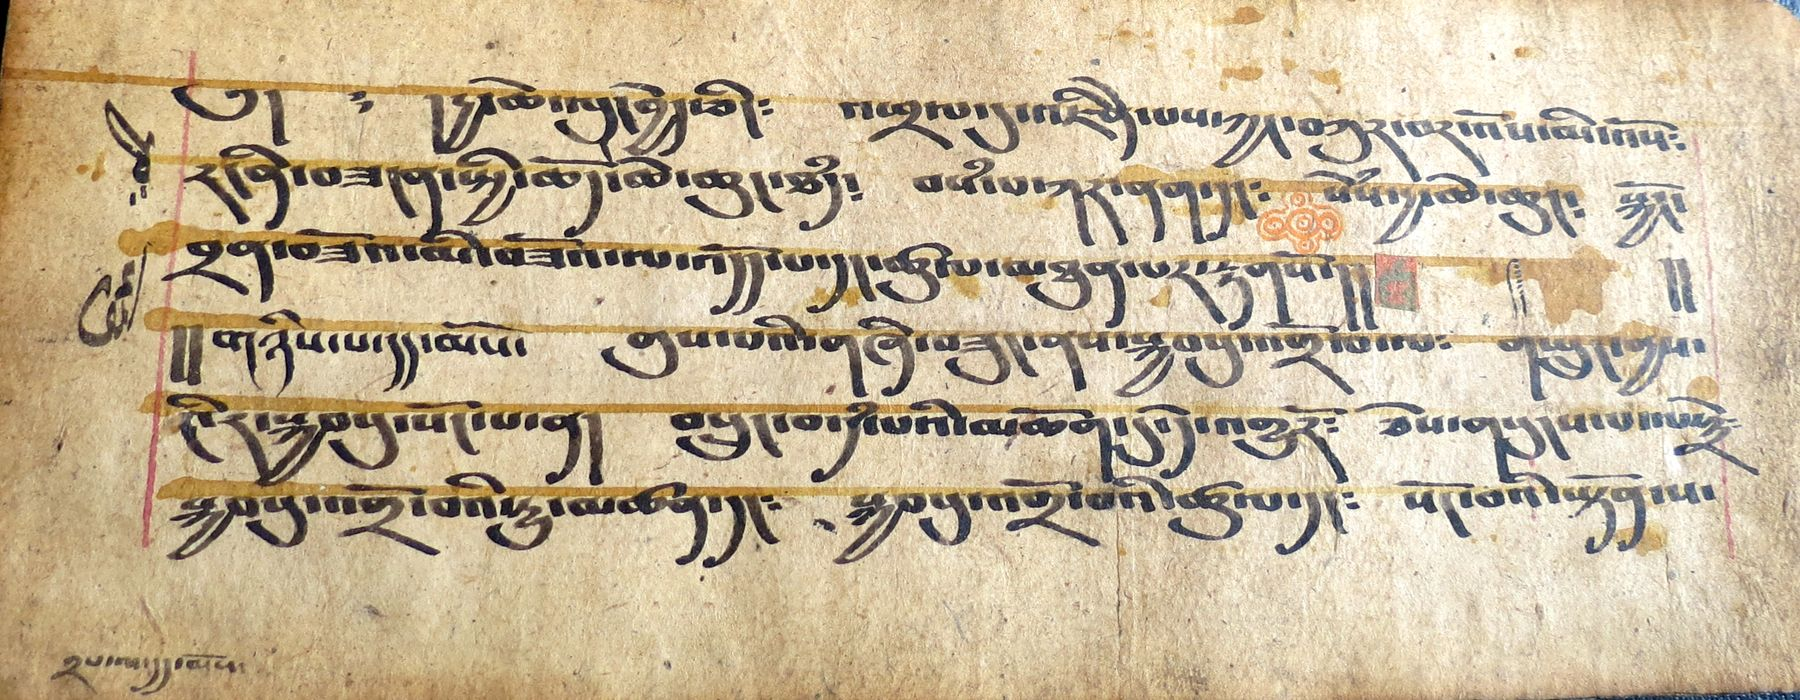རྒྱ་ཆེ་ཆུང་ལ་བྱེད་ཅིང་། འཕྲལ་དུ་འཇིག་རྟེན་པས་ཀྱང་བཀུར་བར་འོས་མི་འོས། 
རང་བཞིན་བཟང་ངན། སྤྱི་དོན་ཆེ་ཆུང་ཐམས་ཅད་བསམ་པ་དཀར་ནག་དང་། སེམས་རྒྱ་ཆེ་ཆུང་སྐྱོང་
རན་བཟོ་མི་བཟོ་ལ་འདོད་པ་དང་ཚུལ་དང་མཐུན་པར་རྟོགས་སོ། ། 
གཉིས་པ་དད་པ་དང་མོས་གུས་ཀྱིས་གཞི་བཟུང་ནས་སྐྱབས་སུ་འགྲོ་བ་ལ། གཡུང་དྲུང་གནས་
བཞིར་སྐྱབས་སུ་སོང་བ་ན། སྲུང་བ་དམ་པའི་མཆོག་ཏུ་དེ་འགྱུར་རོ། ། ཞེས་གསུངས་པ་ལ་གསུམ་སྟེ། 
སྐྱབས་སུ་འགྲོ་བའི་རྒྱུ་མཚན་དང་། སྐྱབས་སུ་འགྲོ་བའི་ཚུལ་དང་། སོང་བའི་ཡོན་ཏན། ས་